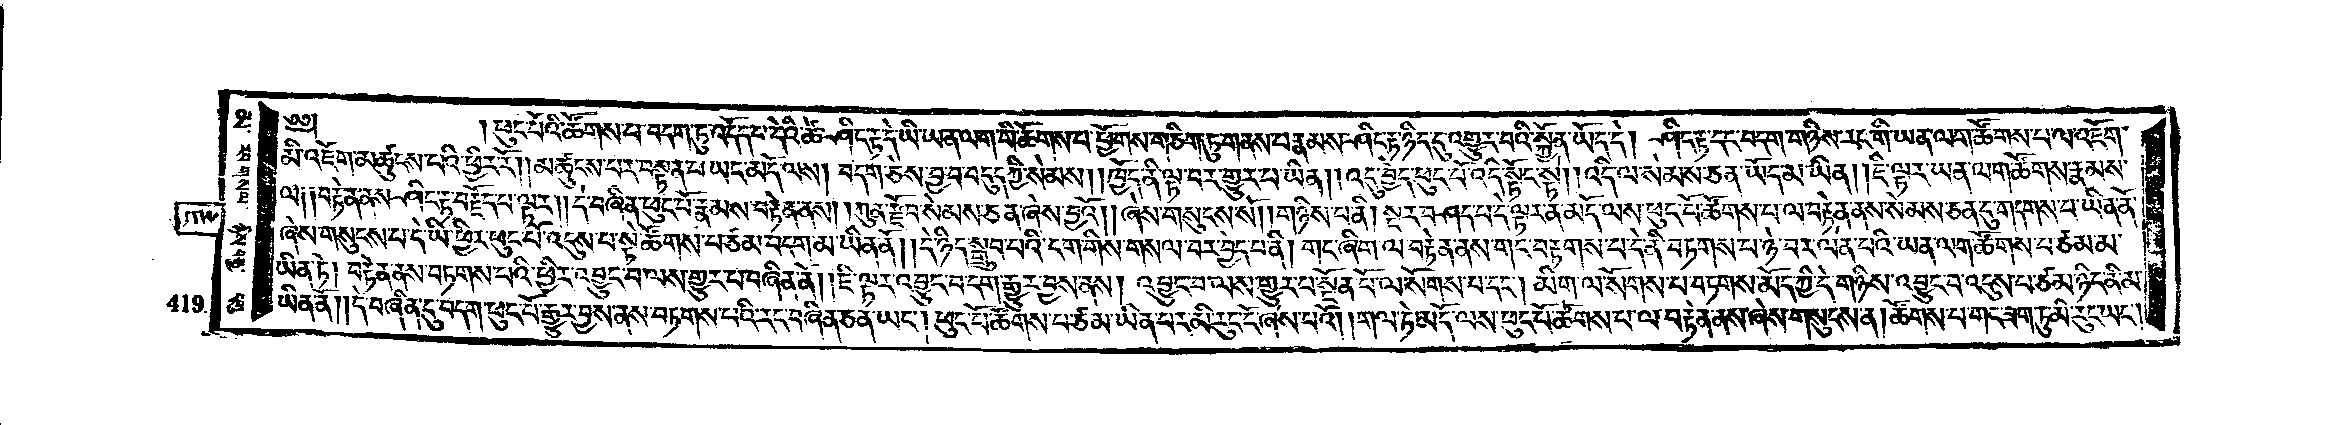༄༅། །ཕུང་པོའི་ཚོགས་པ་བདག་ཏུ་འདོད་པ་དེའི་ཚེ་ཤིང་རྟ་དེ་ཡི་ཡན་ལག་གི་ཚོགས་པ་ཕྱོགས་གཅིག་ཏུ་གནས་པ་རྣམས་ཤིང་རྟ་ཉིད་དུ་འགྱུར་བའི་སྐྱོན་ཡོད་དེ། ཤིང་རྟ་དང་བདག་གཉིས་རང་གི་ཡན་ལག་ཚོགས་པ་ལ་འཇོག་
མི་འཇོག་མཚུངས་པའི་ཕྱིར་རོ། །མཚུངས་པར་བསྟན་པ་ཡང་མདོ་ལས། བདག་ཅེས་བྱ་བ་བདུད་ཀྱི་སེམས། །ཁྱོད་ནི་ལྟ་བར་གྱུར་པ་ཡིན། །འདུ་བྱེད་ཕུང་པོ་འདི་སྟོང་སྟེ། །འདི་ལ་སེམས་ཅན་ཡོད་མ་ཡིན། །ཇི་ལྟར་ཡན་ལག་ཚོགས་རྣམས་
ལ། །བརྟེན་ནས་ཤིང་རྟ་བརྗོད་པ་ལྟར། །དེ་བཞིན་ཕུང་པོ་རྣམས་བརྟེན་ནས། །ཀུན་རྫོབ་སེམས་ཅན་ཞེས་བྱའོ། །ཞེས་གསུངས་སོ། །གཉིས་པ་ནི། སྔར་བཤད་པ་དེ་ལྟར་ན་མདོ་ལས་ཕུང་པོ་ཚོགས་པ་ལ་བརྟེན་ནས་སེམས་ཅན་དུ་གདགས་པ་ཡིན་ནོ་
ཞེས་གསུངས་པ་དེ་ཡི་ཕྱིར་ཕུང་པོ་འདུས་པ་སྟེ་ཚོགས་པ་ཙམ་བདག་མ་ཡིན་ནོ། །དེ་ཉིད་སྒྲུབ་པའི་ངག་གིས་གསལ་བར་བྱེད་པ་ནི། གང་ཞིག་ལ་བརྟེན་ནས་གང་བརྟགས་པ་དེ་ནི་བཏགས་པ་ཉེ་བར་ལེན་པའི་ཡན་ལག་ཚོགས་པ་ཙམ་མ་
ཡིན་ཏེ། བརྟེན་ནས་བཏགས་པའི་ཕྱིར་འབྱུང་བ་ལས་གྱུར་པ་བཞིན་ནོ། །ཇི་ལྟར་འབྱུང་བ་དག་རྒྱུར་བྱས་ནས། འབྱུང་བ་ལས་གྱུར་པ་སྔོན་པོ་ལ་སོགས་པ་དང་། མིག་ལ་སོགས་པ་བཏགས་མོད་ཀྱི་དེ་གཉིས་འབྱུང་བ་འདུས་པ་ཙམ་ཉིད་ནི་མ་
ཡིན་ནོ། །དེ་བཞིན་དུ་བདག་ཕུང་པོ་རྒྱུར་བྱས་ནས་བཏགས་པའི་རང་བཞིན་ཅན་ཡང་། ཕུང་པོ་ཚོགས་པ་ཙམ་ཡིན་པར་མི་རུང་ངོ་ཞེས་པའོ། །གལ་ཏེ་མདོ་ལས་ཕུང་པོ་ཚོགས་པ་ལ་བརྟེན་ནས་ཞེས་གསུངས་ན། ཚོགས་པ་གང་ཟག་ཏུ་མི་རུང་ཡང་།